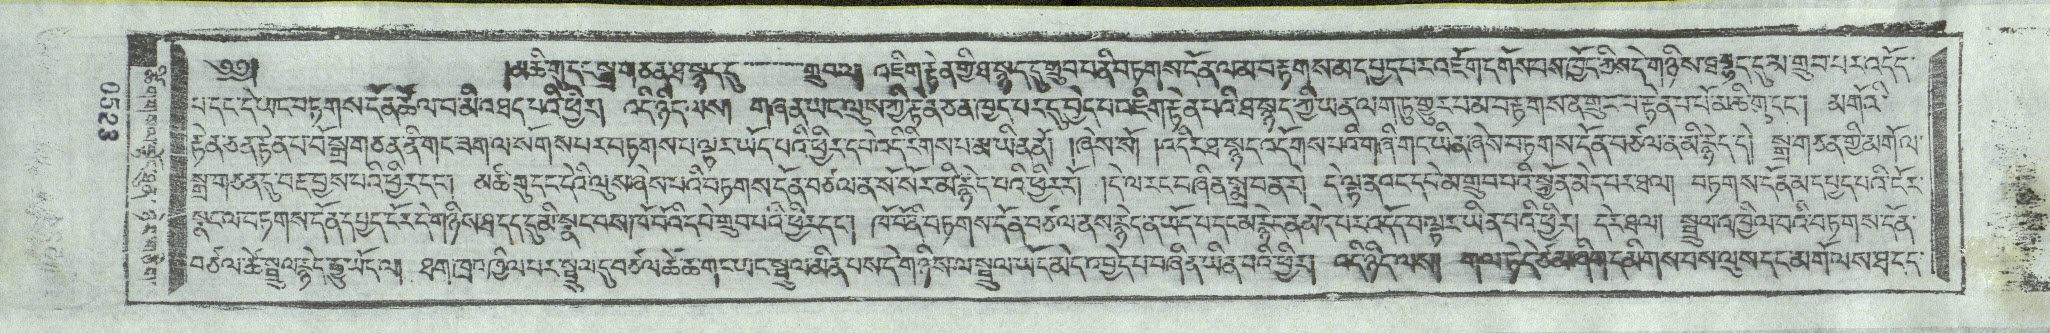༄༅། །མཆི་གུ་དང་སྒྲ་གཅན་ཐ་སྙད་དུ་གྲུབ་ལ། འཇིག་རྟེན་གྱི་ཐ་སྙད་དུ་གྲུབ་པ་ནི་བཏགས་དོན་ལམ་བརྟགས་མ་དཔྱད་པར་འཇོག་དོགས་པས་ཁྱོད་ཀྱིས་དེ་གཉིས་ཐ་སྙད་དུ་མ་གྲུབ་པར་འདོད་
པ་དང་དེ་ཡང་བཏགས་དོན་ཚོལ་བ་མི་འཐད་པའི་ཕྱིར། འདི་ཉིད་ལས། གཞན་ཡང་ལུས་ཀྱི་རྟེན་ཅན་ཁྱད་པར་དུ་བྱེད་པ་འཇིག་རྟེན་པའི་ཐ་སྙད་ཀྱི་ཡན་ལག་ཏུ་གྱུར་བ་མ་བརྟགས་ན་གྲུབ་པ་རྟེན་པ་པོ་མཆི་གུ་དང་། མགོའི་
རྟེན་ཅན་རྟེན་པ་བོ་སྒྲ་གཅན་ནི་གང་ཟག་ལ་སོགས་པར་བཏགས་པ་ལྟར་ཡོད་པའི་ཕྱིར་དཔེ་འདི་རིགས་པ་མ་ཡིན་ནོ། །ཞེས་སོ། །འདིར་ཐ་སྙད་འདོགས་པའི་གཞི་གང་ཡིན་ཞེས་བཏགས་དོན་བཙལ་ན་མི་རྙེད་དེ། སྒྲ་གཅན་གྱི་མགོ་ལ་
སྒྲ་གཅན་དུ་བརྡ་བྱས་པའི་ཕྱིར་དང་། མཆི་གུ་དང་དེའི་ལུས་ཞེས་པའི་བཏགས་དོན་བཙལ་ན་སོ་སོར་མི་རྙེད་པའི་ཕྱིར་རོ། །དེ་ལ་རང་བཞིན་སྨྲ་བ་ན་རེ། དེ་ལྟ་ནའང་དཔེ་མ་གྲུབ་པའི་སྐྱོན་མེད་པར་ཐལ། བཏགས་དོན་མ་དཔྱད་པའི་ངོར་
སྣང་ལ་བཏགས་དོན་དཔྱད་ངོར་དེ་གཉིས་ཐ་དད་དུ་མི་སྣང་བས་ཁོ་བོའི་དཔེ་གྲུབ་པའི་ཕྱིར་དང་། ཁོ་བོ་ནི་བཏགས་དོན་བཙལ་ནས་རྙེད་ན་ཡོད་པ་དང་མ་རྙེད་ན་མེད་པར་འདོད་པ་ལྟར་ཡིན་པའི་ཕྱིར། དེར་ཐལ། སྤྲུལ་འཁྱིལ་བའི་བཏགས་དོན་
བཙལ་ཚེ་སྦྲུལ་རྙེད་རྒྱུ་ཡོད་ལ། ཐག་ཁྲ་འཁྱིལ་པར་སྤྲུལ་དུ་བཙལ་ཚེ་ཆ་གང་ཡང་སྤྲུལ་མིན་པས་དེ་གཉིས་ལ་སྤྲུལ་ཡོད་མེད་འབྱེད་པ་བཞིན་ཡིན་པའི་ཕྱིར། འདི་ཉིད་ལས། གལ་ཏེ་དེ་ཙམ་ཞིག་དམིགས་པས་ལུས་དང་མགོ་ལས་ཐ་དད་